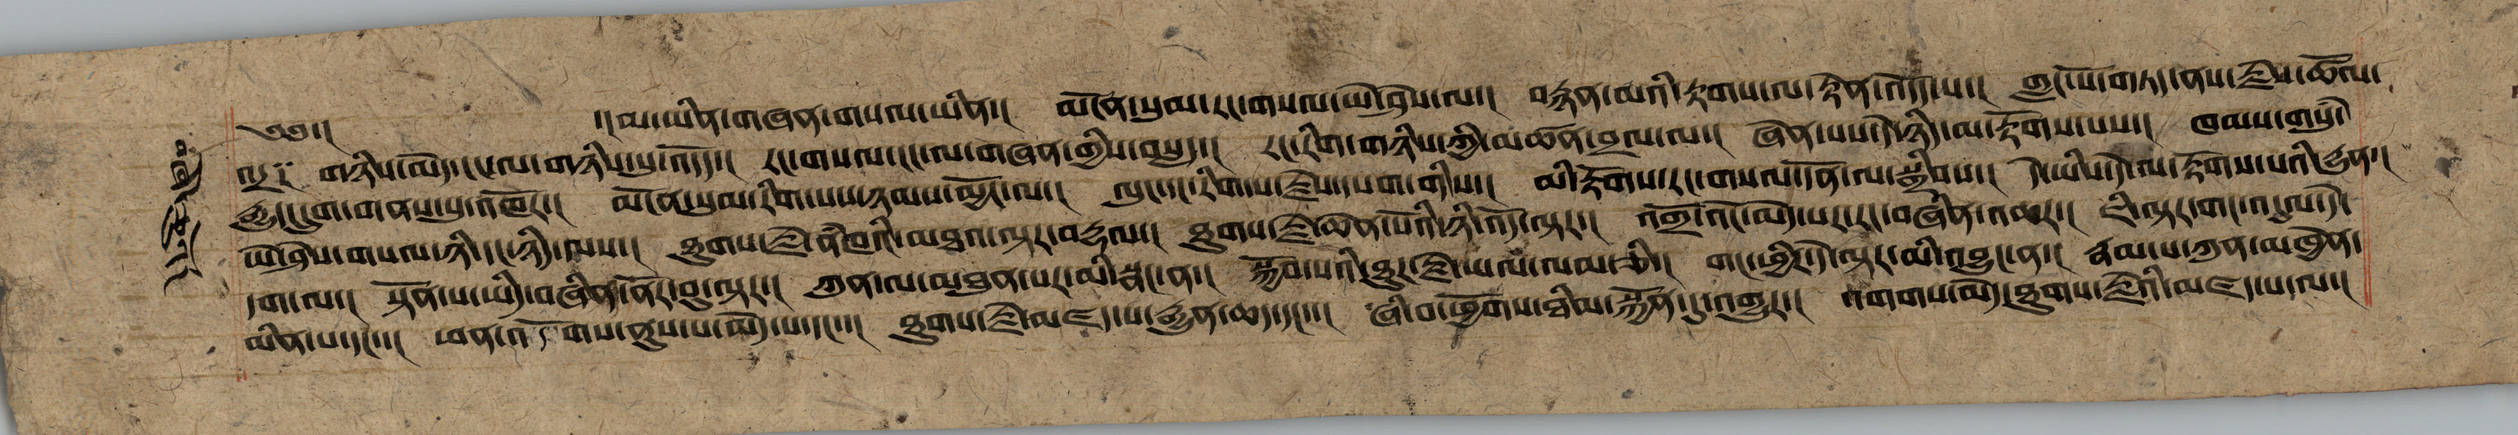༄༅་། ་།མ་ཡིན་གཞན་གསལ་ཡིན་། མངོན་སུམ་རང་གསལ་ཡེ་ཤེས་ལ་། བརྙན་མའི་རྟགས་ལ་རྟེན་འདོད་པ་། གླང་པོ་གཏད་ནས་རྗེས་ཚོལ་
འདྲ༑ གཉིས་མེད་ངང་ལ་གཉིས་སུ་འདོད་། རང་གསལ་ངང་ལ་གཞན་གྱིས་བསླད་། རང་རིག་གཉིས་ཀྱི་མཚན་བྲལ་ལ་། ཞེན་པས་དེ་ཉིད་མ་རྟོག་པས་། ཁམས་གསུཾ་
རྒྱུད་དྲུག་གནས་སུ་འཁོར་། མངོན་སུམ་རིག་པས་ཉམས་མྱོང་ལ་། ལུང་དང་རིག་པ་རྗེས་དཔག་གིས་། མི་རྟོགས་རང་གསལ་དོན་ལ་སྒྲིབས་། དེ་ཡིས་དེ་ལ་རྟོགས་པའི་དྱུན་།
ཡེ་ཤེས་གསལ་ཉི་ངང་ཉིད་ལས་། ཐུགས་རྗེ་ནཾཁའི་མཐའ་ལྟར་བརྡལ་། ཐུགས་རྗེ་ཆེན་པོའི་ཉི་འདོ་ལྟར་། འགྲོ་འོང་མེད་པར་རང་བཞིན་འཆར་། ཇི་ལྟར་གང་འདུལ་དེ་
དག་ལ་། སྟོན་པ་ཡིད་བཞིན་ནོར་བུ་ལྟར་། ཀུན་ལ་མཐུན་པར་མི་སྣང་ན་། སྐྱོབ་པའི་ཐུཌ་རྗེ་ཡལ་ལམ་ཅི་། གང་ཕྱིར་དེ་ལྟར་མི་འབྱུང་ན་། རྣམ་པ་ཀུན་མཁྱེན་
མིན་པ་དང་་། ཕན་འདོགས་ནུས་པ་མེད་པ་དང་་། ཐུགས་རྗེ་མཛད་པ་རྒྱུན་ཆད་དང་་། ཞི་བ་ཕྱོགས་ཐིམ་སྐྱོན་དུ་འགྱུར་། འགགས་མེད་ཐུགས་རྗེའི་མཛད་པ་ལ་།